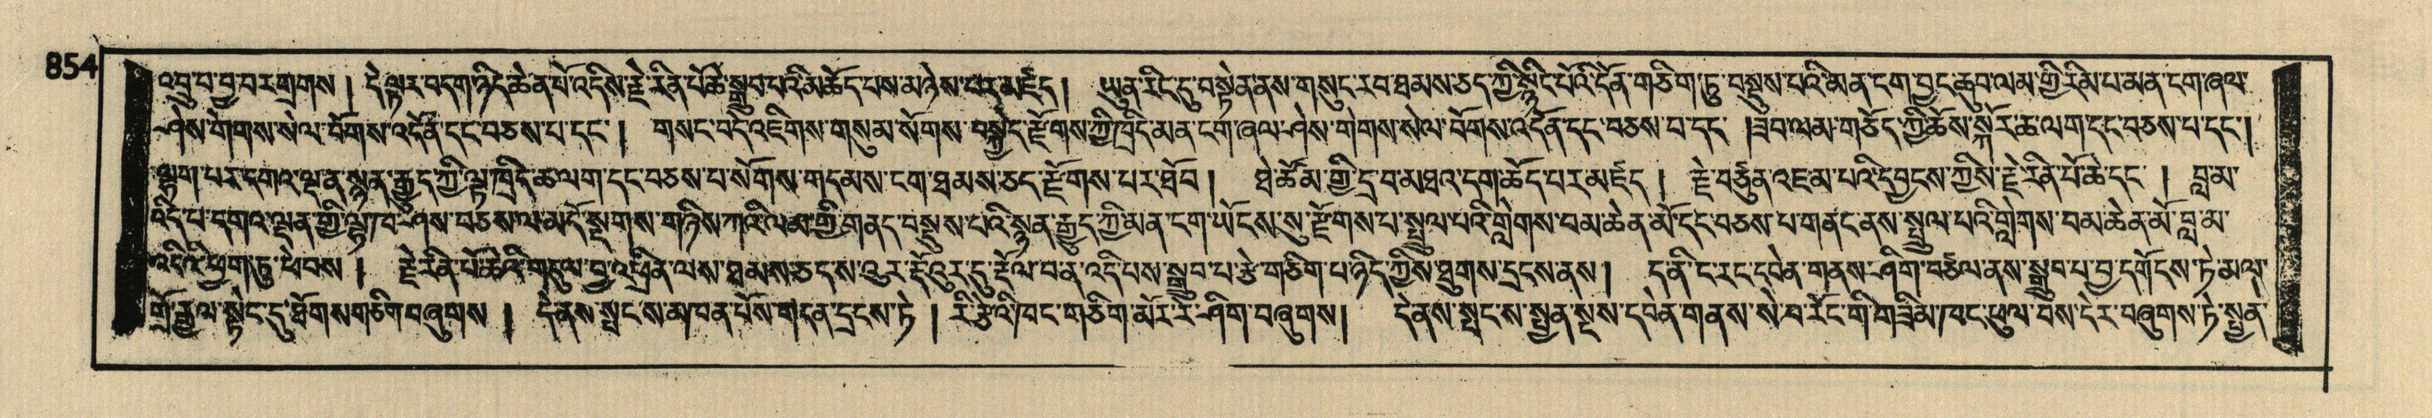འབྲུ་པ་བྱ་བར་གྲགས། དེ་ལྟར་བདག་ཉིད་ཆེན་པོ་འདིས་རྗེ་རིན་པོ་ཆེ་སྒྲུབ་པའི་མཆོད་པས་མཉེས་པར་མཛད། ཡུན་རིང་དུ་བསྟེན་ནས་གསུང་རབ་ཐམས་ཅད་ཀྱི་སྙིང་པོའི་དོན་གཅིག་ཏུ་བསྡུས་པའི་མན་ངག་བྱང་ཆུབ་ལམ་གྱི་རིམ་པ་མན་ངག་ཞལ་
ཤེས་གེགས་སེལ་བོགས་འདོན་དང་བཅས་པ་དང་། གསང་བདེ་འཇིགས་གསུམ་སོགས་བསྐྱེད་རྫོགས་ཀྱི་ཁྲིད་མན་ངག་ཞལ་ཤེས་གེགས་སེལ་བོགས་འདོན་དང་བཅས་པ་དང་།ཟབ་ལམ་གཅོད་ཀྱི་ཆོས་སྐོར་ཆ་ལག་དང་བཅས་པ་དང་།
ལྷག་པར་དགའ་ལྡན་སྙན་རྒྱུད་ཀྱི་ལྟ་ཁྲིད་ཆ་ལག་དང་བཅས་པ་སོགས་གདམས་ངག་ཐམས་ཅད་རྫོགས་པར་ཐོབ། ཐེ་ཚོམ་གྱི་དྲ་བ་མཐའ་དག་ཆོད་པར་མཛད། རྗེ་བཙུན་འཇམ་པའི་དབྱངས་ཀྱིས་རྗེ་རིན་པོ་ཆེ་དང་། བླ་མ་
འདི་པ་དགའ་ལྡན་གྱི་ལྷ་ཁ་ཤས་བཅས་ལ་མདོ་སྔགས་གཉིས་ཀའི་ལམ་གྱི་གནད་བསྡུས་པའི་སྙན་རྒྱུད་ཀྱི་མན་ངག་ཡོངས་སུ་རྫོགས་པ་སྤྲུལ་པའི་གླེགས་བམ་ཆེན་མོ་དང་བཅས་པ་གནང་ནས་སྤྲུལ་པའི་གླེགས་བམ་ཆེན་མོ་བླ་མ་
འདིའི་ཕྱག་ཏུ་ཕེབས། རྗེ་རིན་པོ་ཆེའི་གདུལ་བྱ་འཕྲིན་ལས་ཐམས་ཅད་ས་འུར་རྡོ་འུར་དུ་རྡོལ་བ་ན་འདི་པས་སྒྲུབ་པ་རྩེ་གཅིག་པ་ཉིད་ཀྱིས་ཐུགས་དྲངས་ནས། ད་ནི་ང་རང་དབེན་གནས་ཤིག་བཙལ་ནས་སྒྲུབ་པ་བྱ་དགོངས་ཏེ་མལ་
གྲོ་རྒྱལ་སྟེང་དུ་ཐོགས་གཅིག་བཞུགས། དེ་ནས་སྤངས་མཁན་པོས་གདན་དྲངས་ཏེ། རི་རྩེའི་ཁང་གཅིག་མོར་རེ་ཤིག་བཞུགས། དེ་ནས་སྤང་ས་སྤྱན་སྔས་དབེན་གནས་སེ་བ་རོང་གི་གཟིམ་ཁང་ཕུལ་བས་དེར་བཞུགས་ཏེ་སྤྱན་